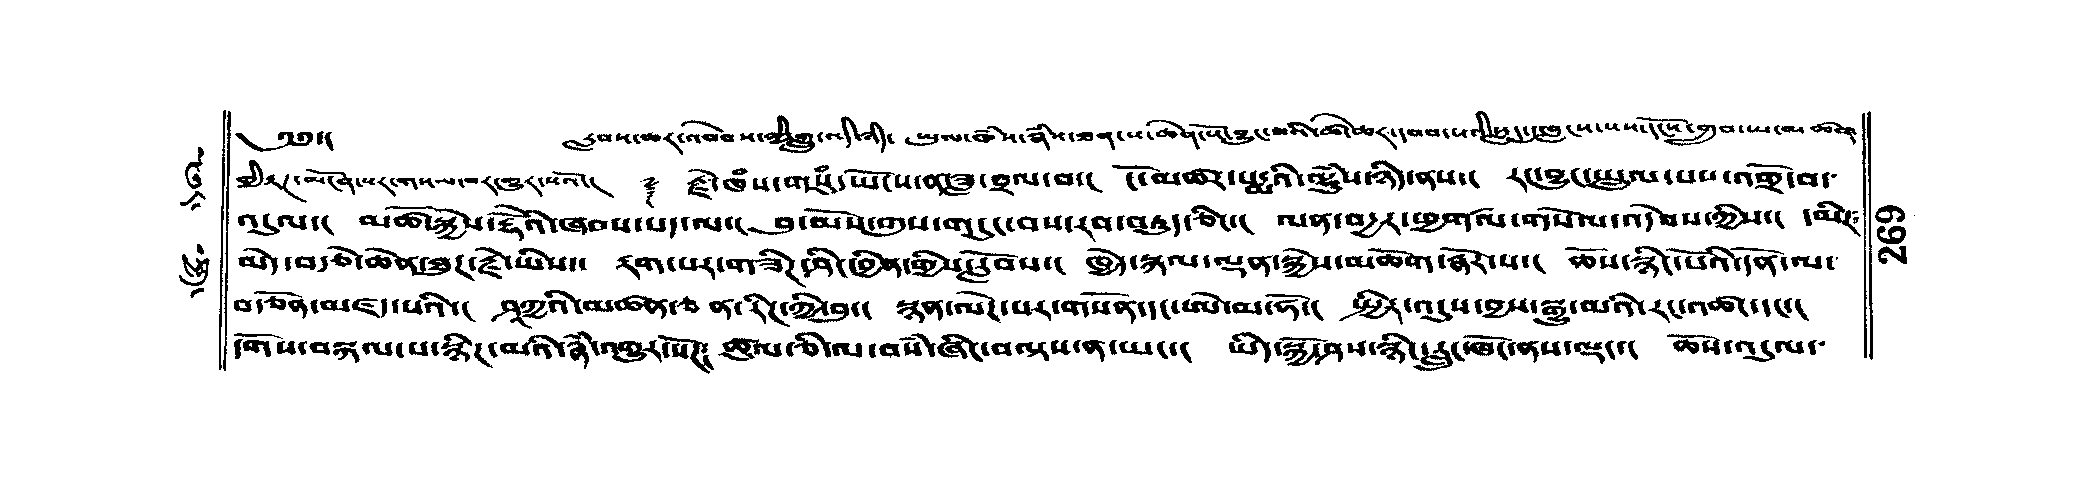རླབས་ཆར་འབེབས་ཀྱི་གླུ་འདི་ཉིད། ཡུལ་ཁམས་རྣམས་སུ་ཐན་པ་ཆེན་པོ་བྱུང་བའི་ཚེ་ཆར་དབབ་པའི་སླད་དུ་བླངས་པས་དངོས་གྲུབ་ཡ་མཚན་
གྱི་རྟགས་མངོན་པར་གསལ་བར་གྱུར་པའོ།། ༈ རྗེ་ཁམས་གསུམ་ཡོངས་ན་ཟླ་བྲལ་བ། །ངོ་མཚར་པདྨའི་ལྷུམས་ཉིད་ལས། །རང་བྱུང་སྤྲུལ་པས་འགྲོ་བ་
འདུལ། །མཚོ་སྐྱེས་རྡོ་རྗེའི་ཞབས་པད་ལ། །བུ་མོས་གུས་གདུང་བས་རབ་བཏུད་ཅིང་། །ལན་བརྒྱར་ཕྱག་འཚལ་གསོལ་འདེབས་ཀྱིས། །དམིགས་
མེད་བརྩེ་ཆེན་ཐུགས་རྗེ་ཡིས། །རྟག་པར་གཟིགས་ཤིང་བྱིན་གྱིས་རློབས། །ཁྱེད་སྐལ་ལྡན་སྐྱེས་མཆོག་རྣལ་འབྱོར་པ། །ཆོས་སྙིང་པོའི་དོན་ལ་
བརྩོན་མཛད་པའི། །ཤཱཀྱའི་མཚན་ཅན་རིགས་ཀྱི་བུ། །སྙན་ལེགས་པར་གསོན་དང་ཨེ་མ་ཧོ། །སྤྱིར་འདུས་བྱས་སྒྱུ་མའི་རང་མཚང་དང་། །
དགོས་བསྐལ་པ་སྙིགས་མའི་རྣམ་འགྱུར་སོགས། །ཚུལ་ཅི་ལ་བསམ་ཞིང་བལྟས་ན་ཡང་། །ཡིད་སྐྱོ་ནས་སྙིང་རླུང་ཁོང་ནས་ལྡང་། །ཆོས་འདུལ་